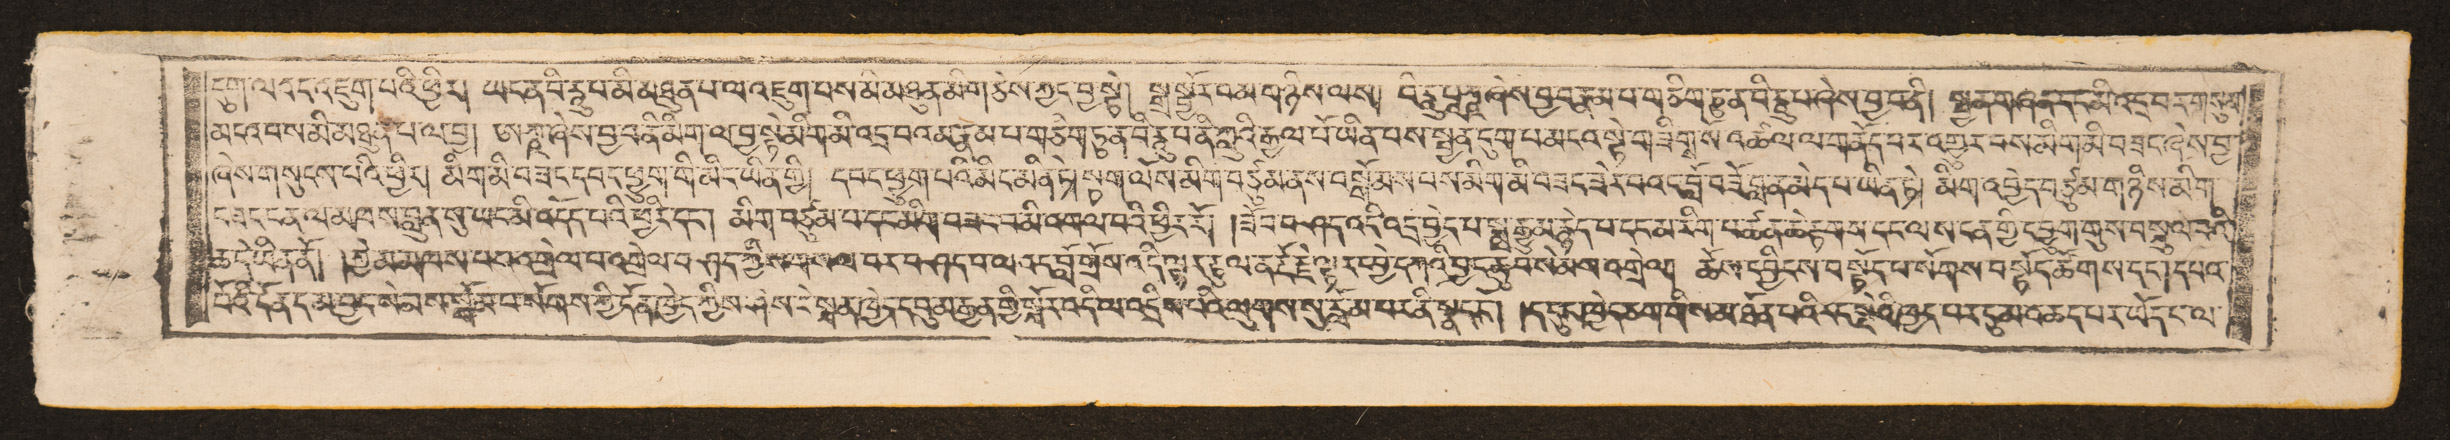དུག་ལའང་འཇུག་པའི་ཕྱིར། ཡང་ན་བི་རཱུ་པ་མི་མཐུན་པ་ལ་འཇུག་པས་མི་མཐུན་མིག་ཅེས་ཀྱང་བྱ་སྟེ། སྒྲ་སྦྱོར་བམ་གཉིས་ལས། བི་རཱུ་པཱཀྵ་ཞེས་བྱ་བ་རྣམ་པ་གཅིག་ཏུ་ན་པི་རཱུ་པ་ཞེས་བྱ་བ་ནི། སྤྱན་གཞན་དང་མི་འདྲ་བར་གསུམ་
མངའ་བས་མི་མཐུན་པ་ལ་བྱ། ཨཀྵ་ཞེས་བྱ་བ་ནི་མིག་ལ་བྱ་སྟེ་མིག་མི་འདྲ་བའམ་རྣམ་པ་གཅིག་ཏུ་ན་བི་རཱུ་པ་ནི་ཀླུའི་རྒྱལ་པོ་ཡིན་པས་སྤྱན་དུག་པ་མངའ་སྟེ་གཟིགས་སོ་འཚལ་ལ་གནོད་པར་འགྱུར་བས་མིག་མི་བཟང་ཞེས་བྱ་
ཞེས་གསུངས་པའི་ཕྱིར། མིག་མི་བཟང་དབང་ཕྱུག་གི་མིང་ཡིན་གྱི། དབང་ཕྱུག་པའི་མིང་མིན་ཏེ། སྟག་ལོས་མིག་བཙུམ་ནས་བསྒོམས་པས་མིག་མི་བཟང་ཟེར་བའང་བློ་བཟོ་བླ་ན་མེད་པ་ཡིན་ཏེ། མིག་འབྱེད་བཙུམ་གཉིས་མིག་
བཟང་ངན་ལ་མཁས་བླུན་སུ་ཡང་མི་འདོད་པའི་ཕྱིར་དང་། མིག་བཙུམ་པ་དང་མིག་བཟང་བ་མི་འགལ་བའི་ཕྱིར་རོ། །ཟོབ་བཤད་འདི་འདྲ་བྱེད་པ་སྨྲ་རྒྱུ་མ་རྙེད་པ་དང་མ་རིག་པ་ཚན་ཆེ་རྟགས་དང་ལས་ངན་གྱི་དབྱུག་གུས་བསྐུལ་བའི་
ཆ་དེ་ཡིན་ནོ། །ཀྱེ་མ་མཁས་པས་འགྲེལ་པ་འགྲེལ་བཤད་ཀྱིས་གསལ་བར་བཤད་པ་ལའང་བློ་གྲོས་འདི་ལྟར་རྟུལ་ན་རྡོ་རྗེ་ལྟར་དབྱེ་དཀའི་བྱང་ཆུབ་སེམས་འགྲེལ། ཆོས་དབྱིངས་བསྟོད་པ་སོགས་བསྟོད་ཚོགས་དང་། དཔའ་
པོའི་དོན་དམ་བྱང་སེམས་སྒོམ་པ་སོགས་ཀྱི་དོན་ཁྱེད་ཀྱིས་ཤེས་རེ་སྐན་ཁྱེད་དབུ་མ་རྒྱན་གྱི་སྐོར་འདི་ལ་འདྲིས་པའི་ལུགས་སུ་རློམ་བར་ནི་སྣང་ངོ། །ད་དུང་ཁྱེད་ཅག་གིས་མ་ཐོན་པའི་རང་སྡེའི་ཁྱད་པར་དུ་མ་འཆད་པར་ཡོད་པ་ལ་